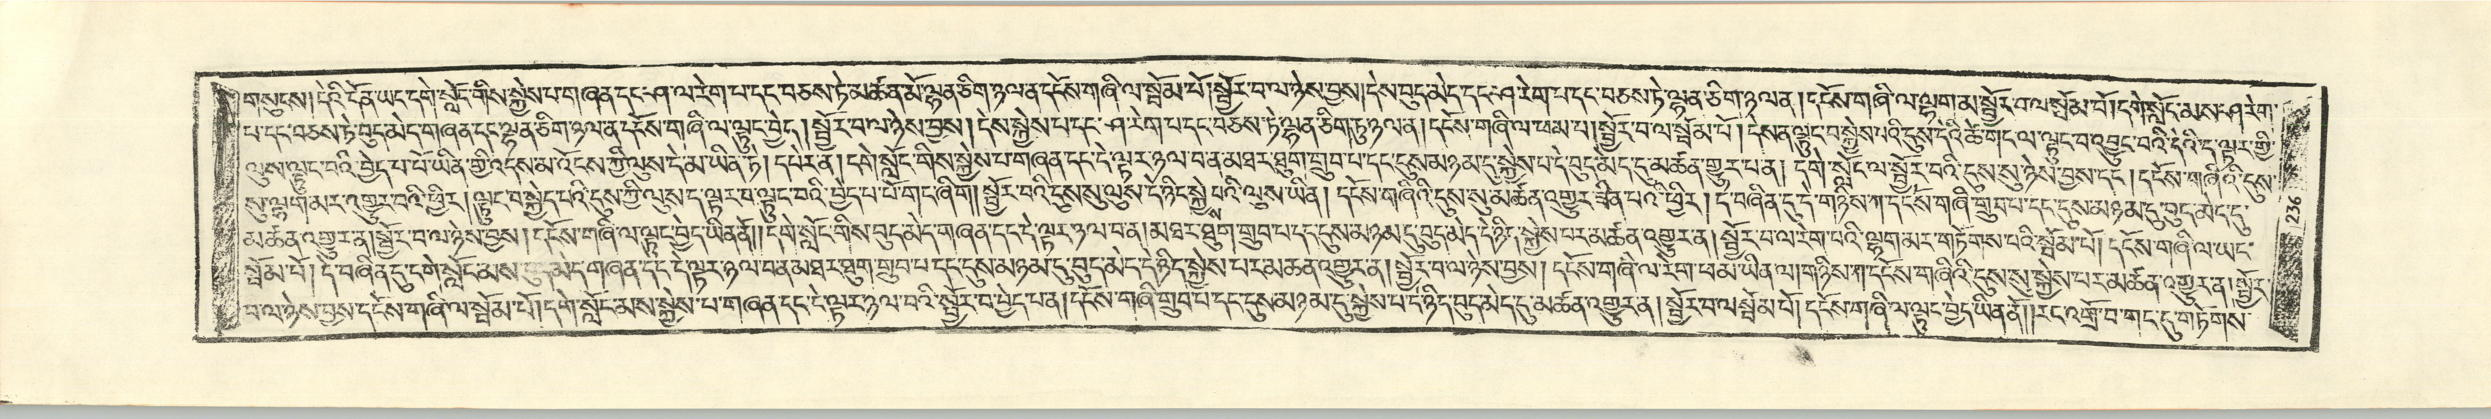གསུངས། དེའི་དོན་ཡང་དགེ་སློང་གིས་སྐྱེས་པ་གཞན་དང་ཤ་ལ་རེག་པ་དང་བཅས་ཏེ་མཚན་མོ་ལྷན་ཅིག་ཉལ་ན་དངོས་གཞི་ལ་སྦོམ་པོ། སྦྱོར་བ་ལ་ཉེས་བྱས། དེས་བུད་མེད་དང་ཤ་རེག་པ་དང་བཅས་ཏེ་ལྷན་ཅིག་ཉལ་ན། དངོས་གཞི་ལ་ལྷག་མ་སྦྱོར་བ་ལ་སྤོམ་པོ། དགེ་སློང་མས་ཤ་རེག་
པ་དང་བཅས་ཏེ་བུད་མེད་གཞན་དང་ལྷན་ཅིག་ཉལ་ན་དངོས་གཞི་ལ་ལྟུང་བྱེད། སྦྱོར་བ་ལ་ཉེས་བྱས། དེས་སྐྱེས་པ་དང་ཤ་རེག་པ་དང་བཅས་ཏེ་ལྷན་ཅིག་ཏུ་ཉལ་ན། དངོས་གཞི་ལ་ཕམ་པ། སྦྱོར་བ་ལ་སྦོམ་པོ། དེས་ན་ལྟུང་བ་སྐྱེས་པའི་དུས་དེའི་ཚེ་གང་ལ་ལྟུང་བ་འབྱུང་བའི་དེའི་ད་ལྟར་གྱི་
ལུས་ལྟུང་བའི་བྱེད་པ་པོ་ཡིན་གྱི་འདས་མ་འོངས་ཀྱི་ལུས་དེ་མ་ཡིན་ཏེ། དཔེར་ན། དགེ་སློང་གིས་སྐྱེས་པ་གཞན་དང་དེ་ལྟར་ཉལ་བ་ན་མཐར་ཐུག་གྲུབ་པ་དང་དུས་མཉམ་དུ་སྐྱེས་པ་དེ་བུད་མེད་དུ་མཚན་གྱུར་པ་ན། དགེ་སློང་ལ་སྦྱོར་བའི་དུས་སུ་ཉེས་བྱས་དང་། དངོས་གཞིའི་དུས་
སུ་ལྷག་མར་འགྱུར་བའི་ཕྱིར། ལྟུང་བ་སྐྱེད་པའི་དུས་ཀྱི་ལུས་ད་ལྟར་བ་ལྟུང་བའི་བྱེད་པ་པོ་གང་ཞིག །སྦྱོར་བའི་དུས་སུ་ལུས་དེ་ཉིད་སྐྱེས་པའི་ལུས་ཡིན། དངོས་གཞིའི་དུས་སུ་མཚན་འགྱུར་ཟིན་པའི་ཕྱིར། དེ་བཞིན་དུ་དེ་གཉིས་ཀ་དངོས་གཞི་གྲུབ་པ་དང་དུས་མཉམ་དུ་བུད་མེད་དུ་
མཚན་འགྱུར་ན། སྦྱོར་བ་ལ་ཉེས་བྱས། དངོས་གཞི་ལ་ལྟུང་བྱེད་ཡིན་ནོ། །དགེ་སློང་གིས་བུད་མེད་གཞན་དང་དེ་ལྟར་ཉལ་བ་ན། མཐར་ཐུག་གྲུབ་པ་དང་དུས་མཉམ་དུ་བུད་མེད་དེ་ཉིད་སྐྱེས་པར་མཚན་འགྱུར་ན། སྦྱོར་བ་ལ་རེག་པའི་ལྷག་མར་གཏོགས་པའི་སྦོམ་པོ། དངོས་གཞི་ལ་ཡང་
སྦོམ་པོ། དེ་བཞིན་དུ་དགེ་སློང་མས་བུད་མེད་གཞན་དང་དེ་ལྟར་ཉལ་བ་ན་མཐར་ཐུག་གྲུབ་པ་དང་དུས་མཉམ་དུ་བུད་མེད་དེ་ཉིད་སྐྱེས་པར་མཆན་འགྱུར་ན། སྦྱོར་བ་ལ་ཉེས་བྱས། དངོས་གཞི་ལ་རེག་ཕམ་ཡིན་ལ། གཉིས་ཀ་དངོས་གཞིའི་དུས་སུ་སྐྱེས་པར་མཚན་འགྱུར་ན། སྦྱོར་
བ་ལ་ཉེས་བྱས་དངོས་གཞི་ལ་སྦོམ་པོ། དགེ་སློང་མས་སྐྱེས་པ་གཞན་དང་དེ་ལྟར་ཉལ་བའི་སྦྱོར་བ་བྱེད་པ་ན། དངོས་གཞི་གྲུབ་པ་དང་དུས་མཉམ་དུ་སྐྱེས་པ་དེ་ཉིད་བུད་མེད་དུ་མཚན་འགྱུར་ན། སྦྱོར་བ་ལ་སྦོམ་པོ། དངོས་གཞི་ལ་ལྟུང་བྱེད་ཡིན་ནོ། །རང་འགྲོ་བ་གང་དུ་གཏོགས་